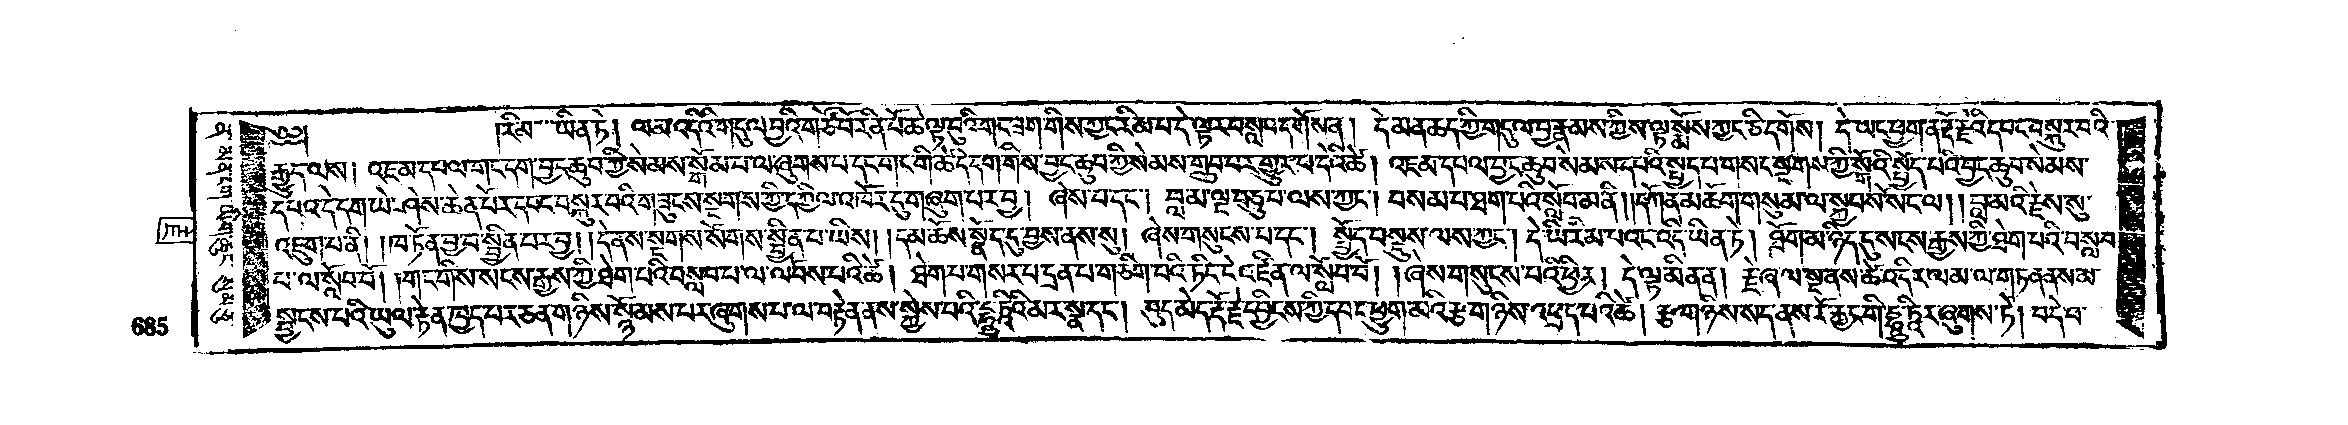༄༅། །རིམ་ཡིན་ཏེ། ལམ་འདིའི་གདུལ་བྱའི་གཙོ་བོ་རིན་པོ་ཆེ་ལྟ་བུའི་གང་ཟག་གིས་ཀྱང་རིམ་པ་དེ་ལྟར་བསླབ་དགོས་ན། དེ་མན་ཆད་ཀྱི་གདུལ་བྱ་རྣམས་ཀྱིས་ལྟ་སྨོས་ཀྱང་ཅི་དགོས། དེ་ཡང་ཕྱག་ན་རྡོ་རྗེའི་དབང་བསྐུར་བའི་
རྒྱུད་ལས། འཇམ་དཔལ་གང་དག་བྱང་ཆུབ་ཀྱི་སེམས་སྒོམ་པ་ལ་ཞུགས་པ་དང་གང་གི་ཚེ་དེ་དག་གིས་བྱང་ཆུབ་ཀྱི་སེམས་གྲུབ་པར་གྱུར་པ་དེའི་ཚེ། འཇམ་དཔལ་བྱང་ཆུབ་སེམས་དཔའི་སྤྱད་པ་གསང་སྔགས་ཀྱི་སྒོའི་སྤྱོད་པའི་བྱང་ཆུབ་སེམས་
དཔའ་དེ་དག་ཡེ་ཤེས་ཆེན་པོར་དབང་བསྐུར་བའི་གཟུངས་སྔགས་ཀྱི་དཀྱིལ་འཁོར་དུ་གཞུག་པར་བྱ། ཞེས་པ་དང་། བླ་མ་ལྔ་བཅུ་པ་ལས་ཀྱང་། བསམ་པ་ཐག་པའི་སློབ་མ་ནི། །དཀོན་མཆོག་གསུམ་ལ་སྐྱབས་སོང་ལ། །བླ་མའི་རྗེས་སུ་
འཇུག་པ་ནི། །ཁ་ཏོན་བྱ་བ་སྦྱིན་པར་བྱ། །དེ་ནས་སྔགས་སོགས་སྦྱིན་པ་ཡིས། །དམ་ཆོས་སྣོད་དུ་བྱས་ནས་སུ། ཞེས་གསུངས་པ་དང་། སྤྱོད་བསྡུས་ལས་ཀྱང་། དེ་ཡི་རིམ་པའང་འདི་ཡིན་ཏེ། ཐོག་མ་ཉིད་དུ་སངས་རྒྱས་ཀྱི་ཐེག་པའི་བསླབ་
པ་ལ་སློབ་བོ། །གང་གིས་སངས་རྒྱས་ཀྱི་ཐེག་པའི་བསླབ་པ་ལ་ལོབས་པའི་ཚེ། ཐེག་པ་གསར་པ་དྲན་པ་གཅིག་པའི་ཏིང་ངེ་འཛིན་ལ་སློབ་བོ། །ཞེས་གསུངས་པའི་ཕྱིར། དེ་ལྟ་མིན་ན། རྗེ་ཞལ་སྔ་ནས་ཚེ་འདིར་ལམ་ལ་གཏན་ནས་མ་
སྦྱངས་པའི་ཡུལ་རྟེན་ཁྱད་པར་ཅན་གཉིས་སྙོམས་པར་ཞུགས་པ་ལ་བརྟེན་ནས་སྐྱེས་པའི་དྷཱུ་ཏཱིའི་མར་སྣ་དང་། བུད་མེད་རྡོ་རྗེ་དབྱིངས་ཀྱི་དབང་ཕྱུག་མའི་རྩ་གཉིས་འཕྲད་པའི་ཚེ། རྩ་གཉིས་སད་ནས་རོ་རྐྱང་གྱི་དྷཱུ་ཏཱིའི་ཞུགས་ཏེ། བདེ་བ་